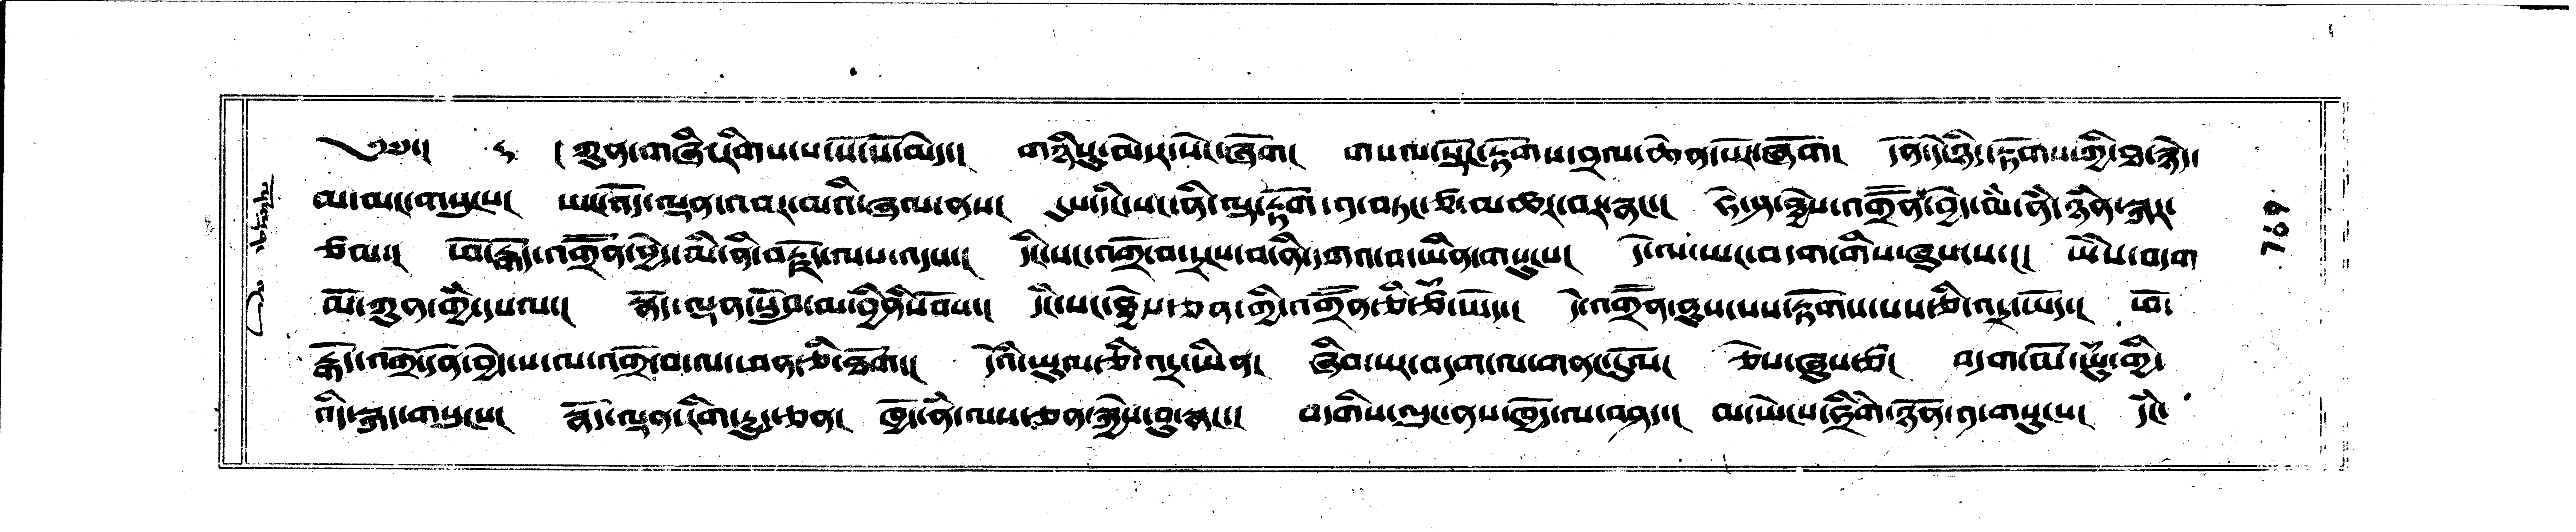ཀུན་གཞི་རིག་པ་སོ་སོ་མེད། །གཉིས་སུ་མེད་པར་སང་ངེ་ཞོག །གསལ་སྟོང་རྟོག་བྲལ་ཆེན་པོར་ཞོག །དོན་དེ་ཉིད་རྟོགས་ཀྱི་ཐ་སྙད་
མ་མང་གསུངས། ཡང་འོད་ལྡན་འབར་མའི་ཞལ་ནས། དུས་དེང་སང་ནི་ལྟ་རྟོག་ཅིག་བཏང་ཙ་མཚར་བར་སྣང་། ཧེ་ཤ་ཐུགས་རྗེས་འགྲོ་དོན་བྱེད་མི་ནི་ཉིན་སྐར་
ཙམ། ཕོ་རྒོད་འགྲོ་དོན་བྱེད་མི་ནི་བརྗོད་ལས་འདས། དེང་སང་འགྲོ་བ་དྲངས་བ་ནི་དཀའ་བ་ཡིན་གསུངས། དེ་ལ་ཡང་བདག་གིས་ཞུས་པ། ཡེ་ཤེས་བདག་
མོ་ཀུན་གྱི་དཔལ། །སྣོད་ལྡན་སློབ་མ་བྱིན་གྱིས་རློབས། །དེང་སང་ཐུགས་རྗེ་ཅན་གྱི་འགྲོ་དོན་ཅི་ཙམ་ཡོད། དེ་འགྲོ་དོན་ནུས་པས་རྟོགས་པ་ཅི་འདྲ་ཡོད། ཕོ་
རྒོད་འགྲོ་དོན་བྱེད་པ་ལ་འགྲོ་བ་ལ་ཕན་ཅི་ཐོགས། དེའི་ཡུལ་ཅི་འདྲ་ཡིན། ཞིབ་པར་བདག་ལ་གནང་དུ་གསོལ། ཅེས་ཞུས་ཙ། བདག་མོ་ཡུམ་གྱིས་
འདི་སྐད་གསུངས། སྣོད་ལྡན་རིགས་རྒྱུད་ཅན། །ཁྱོད་ནི་ལས་ཅན་སྐྱེས་བུ་སྣང་། །བདག་གི་ལུང་ནས་ཁྱོད་ལ་བཤད། །མ་ཡེངས་ཧྲིག་གེར་ཉོན་ཅིག་གསུངས། །དེང་